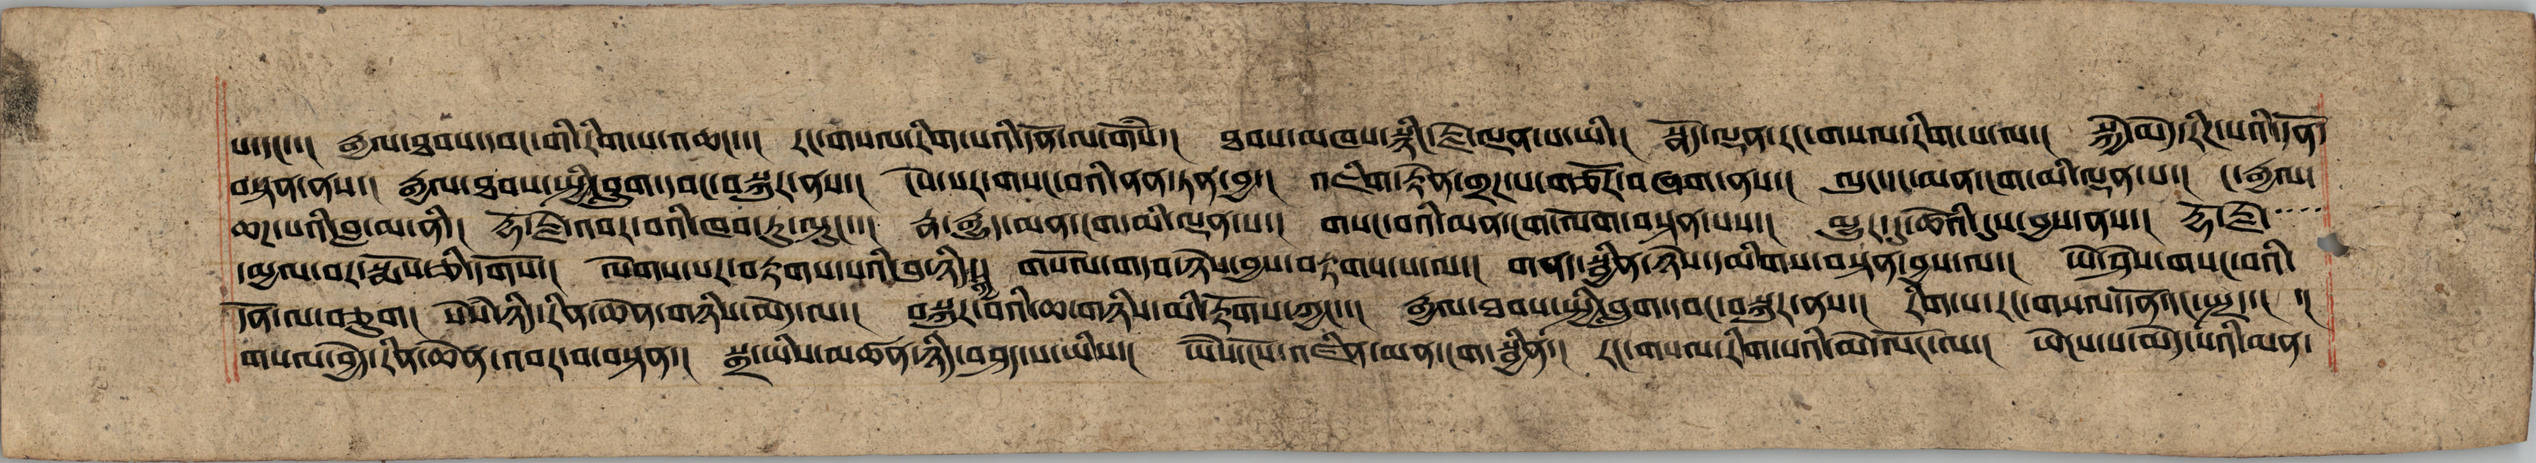པ་དང་་། རྒྱལ་ཐབས་དབང་གི་རིག་པ་འཆང་་། རང་གསལ་རིག་པའི་དོན་ལ་གོཾས་། ཐབས་མཁས་སྙིང་རྗེ་ལྡན་པ་ཡི་། སྣོད་ལྡན་རང་གསལ་རིག་པ་ལ་།། སྐྱེ་མེད་རིཌ་པའི་དོན་
བསྟན་ནས་། རྒྱལ་ཐབས་སྤྱི་བླུག་དབང་བསྐུར་ནས་། ངེས་པར་གསང་བའི་ནན་ཏན་བྱ་། འཇིག་རྟེན་གྲཌ་པ་གཙོར་བཞག་ནས་། ལུང་དང་མན་ངག་མི་ལྡན་པ་། ང་རྒྱལ་
ཆཌ་པའི་བླ་མ་ནི་། རྡོ་རྗེ་འབར་བའི་ཁབ་ཏུ་ལྟུང་་། རྣ་རྒྱུད་མན་ངག་མི་ལྡན་པ་། གསང་བའི་མན་ངག་ལོག་བསྟན་པས་། མྱུར་དུ་ཚེའི་དུས་བྱས་ནས་། རྡོ་རྗེ་
དམྱལ་བར་སྨོས་ཅི་དགོས་། ལེགས་པར་བརྟགས་པའི་བུ་ཉིད་ཀྱི་། གསོལ་གདབ་ཉེས་བྱས་བརྟགས་པ་ལ་། གནད་སྦྱིན་ཉེས་དམིགས་བསྟན་བྱས་ལ་། ཡེ་ཤེས་གསང་བའི་
དོན་ལ་བཅུག། སེཾས་ཉིད་རིན་ཆེན་གཉིས་མེད་ལ་། བསྐུར་བའི་ཆ་གཉིས་མི་རྟོགས་ཀྱང་། རྒྱལ་ཐབས་སྤྱི་བླུག་དབང་བསྐུར་ནས་། རིག་པ་རང་གསལ་དོན་དང་སྤྲད་།
གསལ་བྱེད་རིན་ཆེན་འབར་བ་བསྟན་། སྒྲ་ཡིས་མཚན་ཉིད་བཤད་པ་ཡིས་། ཡཻས་ངོས་འཛིན་མན་ངག་སྦྱིན་། རང་གསལ་རིག་པའི་མེ་ལོང་ལ་། ཡེངས་པ་མེད་པའི་མན་